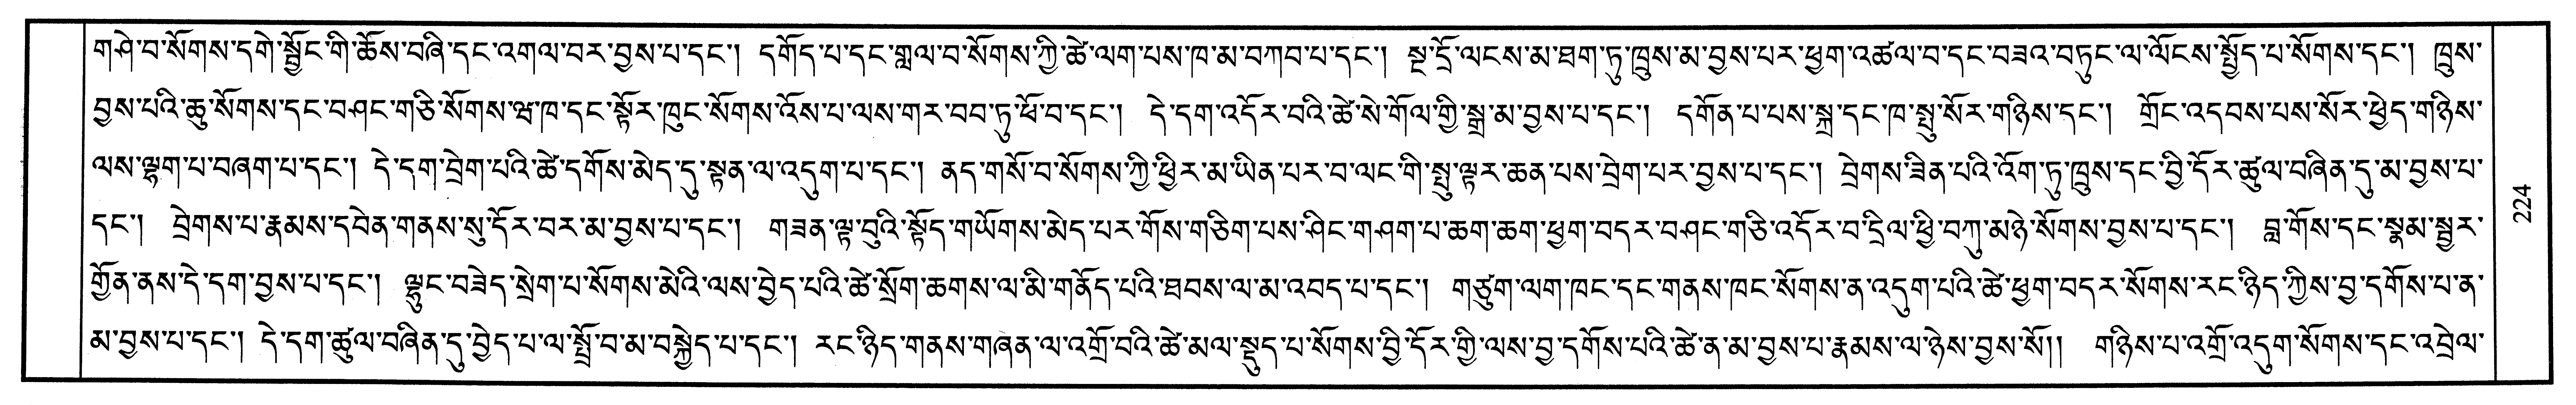གཤེ་བ་སོགས་དགེ་སྦྱོང་གི་ཆོས་བཞི་དང་འགལ་བར་བྱས་པ་དང་། དགོད་པ་དང་གླལ་བ་སོགས་ཀྱི་ཚེ་ལག་པས་ཁ་མ་བཀབ་པ་དང་། སྔ་དྲོ་ལངས་མ་ཐག་ཏུ་ཁྲུས་མ་བྱས་པར་ཕྱག་འཚལ་བ་དང་བཟའ་བཏུང་ལ་ལོངས་སྤྱོད་པ་སོགས་དང་། ཁྲུས་
བྱས་པའི་ཆུ་སོགས་དང་བཤང་གཅི་སོགས་ཝ་ཁ་དང་སྟོར་ཁུང་སོགས་འོས་པ་ལས་གར་བབ་ཏུ་ཕོ་བ་དང་། དེ་དག་འདོར་བའི་ཚེ་སེ་གོལ་གྱི་སྒྲ་མ་བྱས་པ་དང་། དགོན་པ་པས་སྐྲ་དང་ཁ་སྤུ་སོར་གཉིས་དང་། གྲོང་འདབས་པས་སོར་ཕྱེད་གཉིས་
ལས་ལྷག་པ་བཞག་པ་དང་། དེ་དག་བྲེག་པའི་ཚེ་དགོས་མེད་དུ་སྟན་ལ་འདུག་པ་དང་། ནད་གསོ་བ་སོགས་ཀྱི་ཕྱིར་མ་ཡིན་པར་བ་ལང་གི་སྤུ་ལྟར་ཆན་པས་བྲེག་པར་བྱས་པ་དང་། བྲེག་ཟིན་པའི་འོག་ཏུ་ཁྲུས་དང་བྱི་དོར་ཚུལ་བཞིན་དུ་མ་བྱས་པ་
དང་། བྲེགས་པ་རྣམས་དབེན་གནས་སུ་དོར་བར་མ་བྱས་པ་དང་། གཟན་ལྟ་བུའི་སྟོད་གཡོགས་མེད་པར་གོས་གཅིག་པས་ཤིང་གཤག་པ་ཆག་ཆག་ཕྱག་བདར་བཤང་གཅི་འདོར་བའི་དྲིལ་ཕྱི་བཀུ་མཉེ་སོགས་བྱས་པ་དང་། བླ་གོས་དང་སྣམ་སྦྱར་
གྱོན་ནས་དེ་དག་བྱས་པ་དང་། ལྷུང་བཟེད་སྲེག་པ་སོགས་མེའི་ལས་བྱེད་པའི་ཚེ་སྲོག་ཆགས་ལ་མི་གནོད་པའི་ཐབས་ལ་མ་འབད་པ་དང་། གཙུག་ལག་ཁང་དང་གནས་ཁང་སོགས་ན་འདུག་པའི་ཚེ་ཕྱག་བདར་སོགས་རང་ཉིད་ཀྱིས་བྱ་དགོས་པ་ན་
མ་བྱས་པ་དང་། དེ་དག་ཚུལ་བཞིན་དུ་བྱེད་པ་ལ་སྤྲོ་བ་མ་བསྐྱེད་པ་དང་། རང་ཉིད་གནས་གཞན་ལ་འགྲོ་བའི་ཚེ་མལ་སྡུད་པ་སོགས་བྱི་དོར་གྱི་ལས་བྱ་དགོས་པའི་ཚེ་ན་མ་བྱས་པ་རྣམས་ལ་ཉེས་བྱས་སོ།། གཉིས་པ་འགྲོ་འདུག་སོགས་དང་འབྲེལ་